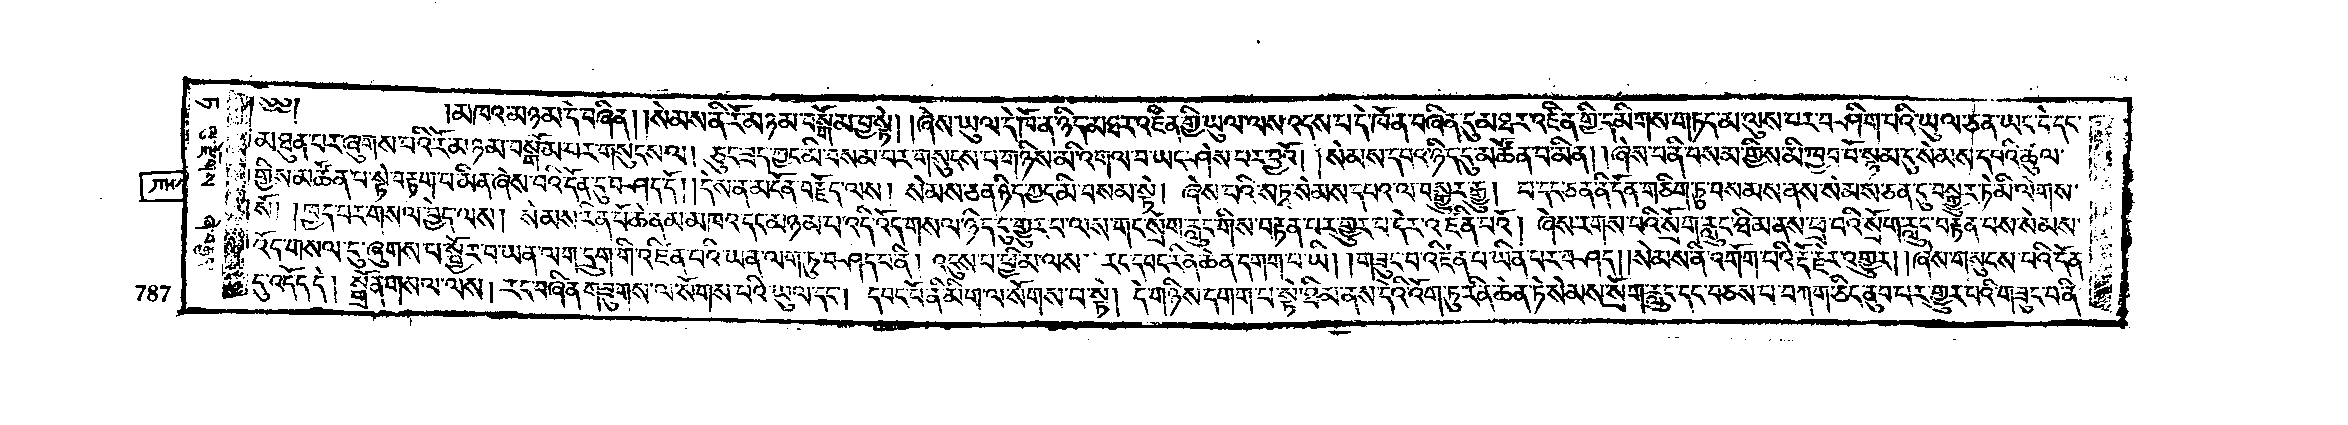༄༅། །མཁའ་མཉམ་དེ་བཞིན། །སེམས་ནི་རོ་མཉམ་བསྒོམ་བྱ་སྟེ། །ཞེས་ཡུལ་དེ་ཁོ་ན་ཉིད་མཐར་འཛིན་གྱི་ཡུལ་ལས་འདས་པ་དེ་ཁོ་ན་བཞིན་དུ་མཐར་འཛིན་གྱི་དམིགས་གཏད་མ་ལུས་པར་བཤིག་པའི་ཡུལ་ཅན་ཡང་དེ་དང་
མཐུན་པར་ཞུགས་པའི་རོ་མཉམ་བསྒོམ་པར་གསུངས་ལ། ཅུང་ཟད་ཀྱང་མི་བསམ་པར་གསུངས་པ་གཉིས་མི་འགལ་བ་ཡང་ཤེས་པར་བྱའོ། །སེམས་དཔའ་ཉིད་དུ་མཚོན་པ་མིན། །ཞེས་པ་ནི་བསམ་གྱིས་མི་ཁྱབ་བོ་སྙམ་དུ་སེམས་དཔའི་ཚུལ་
གྱིས་མཚོན་པ་སྟེ་བརྟག་པ་མིན་ཞེས་པའི་དོན་དུ་བཤད་དོ། །དེས་ན་མངོན་བརྗོད་ལས། སེམས་ཅན་ཉིད་ཀྱང་མི་བསམ་སྟེ། ཞེས་པའི་སཏྭ་སེམས་དཔའ་ལ་བསྒྱུར་རྒྱུ། པ་དང་ཅན་ནི་དོན་གཅིག་ཏུ་བསམས་ནས་སེམས་ཅན་དུ་བསྒྱུར་ཏེ་མི་ལེགས་
སོ། །ཁྱད་པར་གསལ་བྱེད་ལས། སེམས་རིན་པོ་ཆེ་ནམ་མཁའ་དང་མཉམ་པ་འདི་འོད་གསལ་ཉིད་དུ་གྱུར་བ་ལས་གང་སྲོག་རླུང་གིས་བརྟན་པར་གྱུར་བ་དེར་འཛིན་པའོ། ཞེས་རགས་པའི་སྲོག་རླུང་ཐིམ་ནས་ཕྲ་བའི་སྲོག་རླུང་བརྟེན་པས་སེམས་
འོད་གསལ་དུ་ཞུགས་པ་སྦྱོར་བ་ཡན་ལག་དྲུག་གི་འཛིན་པའི་ཡན་ལག་ཏུ་བཤད་པ་ནི། འདུས་པ་ཕྱི་མ་ལས། རང་དབང་རིན་ཆེན་དགག་པ་ཡི། །གཟུང་བ་འཛིན་པ་ཡིན་པར་བཤད། །སེམས་ནི་འགོག་པའི་རྡོ་རྗེར་འགྱུར། །ཞེས་གསུངས་པའི་དོན་
དུ་འདོད་དེ། སྒྲོན་གསལ་ལས། རང་བཞིན་གཟུགས་ལ་སོགས་པའི་ཡུལ་དང་། དབང་པོ་ནི་མིག་ལ་སོགས་པ་སྟེ། དེ་གཉིས་དགག་པ་སྟེ་ཐིམ་ནས་དེའི་འོག་ཏུ་རིན་ཆེན་ཏེ་སེམས་སྲོག་རླུང་དང་བཅས་པ་བཀག་ཅིང་ནུབ་པར་གྱུར་པའི་གཟུང་བ་ནི་